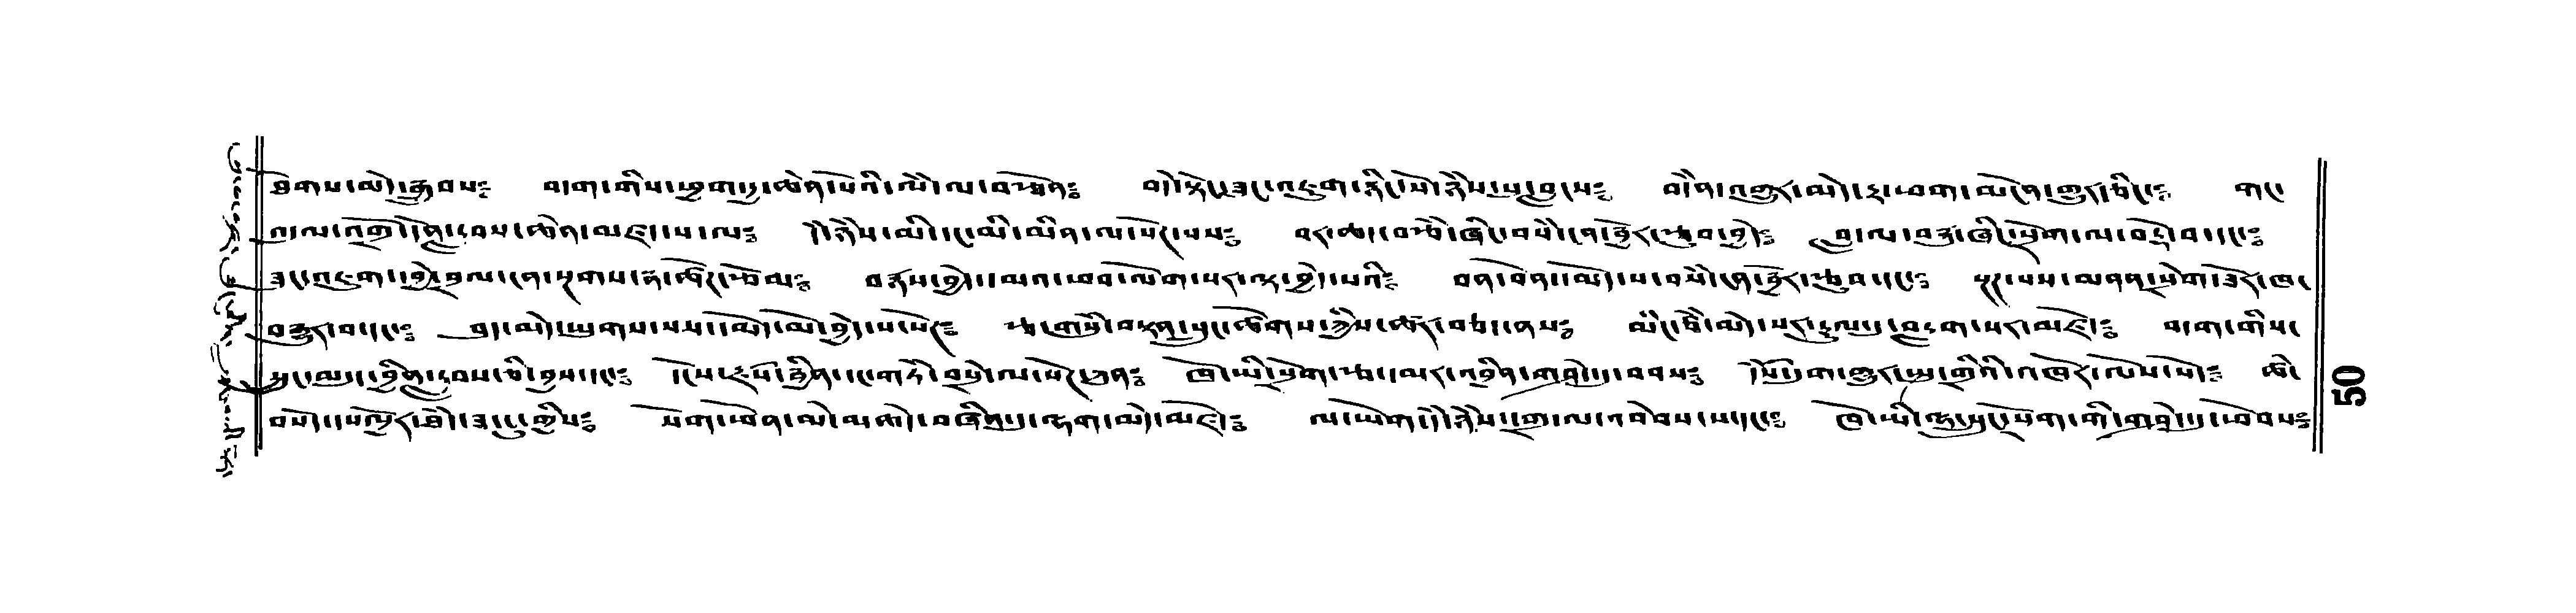ཐོགས་མེད་སྒྲུབས༔ བདག་གིས་ཕྱག་རྒྱ་ཆེན་པོའི་ལམ་ལ་བརྩོན༔ བདེ་སྟོང་ཟུང་འཇུག་སྙིང་པོ་ཉམས་སུ་བླངས༔ བདེ་ཆེན་འགྱུར་མེད་རྟ་ཕག་མངོན་གྱུར་ཅིང༔ གང་
འདུལ་འགྲོ་དོན་རླབས་ཆེན་མཛད་པ་ལ༔ དམ་ཉམས་མི་དང་མི་མིན་ལ་སོགས་པས༔ བར་ཆད་བརྩམ་ཞིང་བསམ་ངན་སྦྱོར་རྩུབ་བྱེད༔ བླ་ལ་བརྐུ་ཞིང་སྲོག་ལ་བརྡོ་བ་དང༔ 
ཟུང་འཇུག་དབྱེ་བྲལ་ངན་སྔགས་སྣ་ཚོགས་རྩོམ༔ བརྙས་བྱེད་དམའ་ཕབ་ལོག་པར་ལྟ་བྱེད་པའི༔ བན་བོན་དམོད་པ་བསམ་ངན་སྦྱོར་རྩུབ་དང༔ སྔགས་པས་མནན་སྲེག་ཟོར་ཁ་
བསྒྱུར་བ་དང༔ བུད་མེད་ཡུགས་སས་དམོད་མོ་བྱེད་པ་སོགས༔ རྩ་གསུམ་བསྟན་སྲུང་ཚོགས་ཀྱིས་ཚར་བཅད་ནས༔མིང་ཙམ་མེད་པར་རྡུལ་དུ་བརླག་པར་མཛོད༔ བདག་གིས་
སྲུང་མདུད་བྱིན་རླབས་ཅི་བྱས་དང༔ དངོས་རྫས་སྦྱིན་དང་གཏམ་བསྲེ་ལ་སོགས་ཀུན༔ ཁོ་ཡིས་སྲོག་རྩ་དམར་འབྱིན་གཤེད་དུ་བབས༔ དམ་རྫས་དུག་གྱུར་སྤུ་གྲིའི་འཁོར་ལོས་སོད༔ ཚེ་
བསོད་དཔལ་འབྱོར་ཐམས་ཅད་ཟ་ངུ་གྱིས༔ སོག་ཕོན་མེ་མཆེད་བཞིན་དུ་ལྷག་མེད་མཛོད༔ ལ་ཡོག་དམ་ཉམས་དགྲ་ལ་འབེབས་པ་དང༔ ཁོ་ཡི་ལྷ་སྲུང་སྲོག་གི་གཤེད་དུ་ཕོབས༔